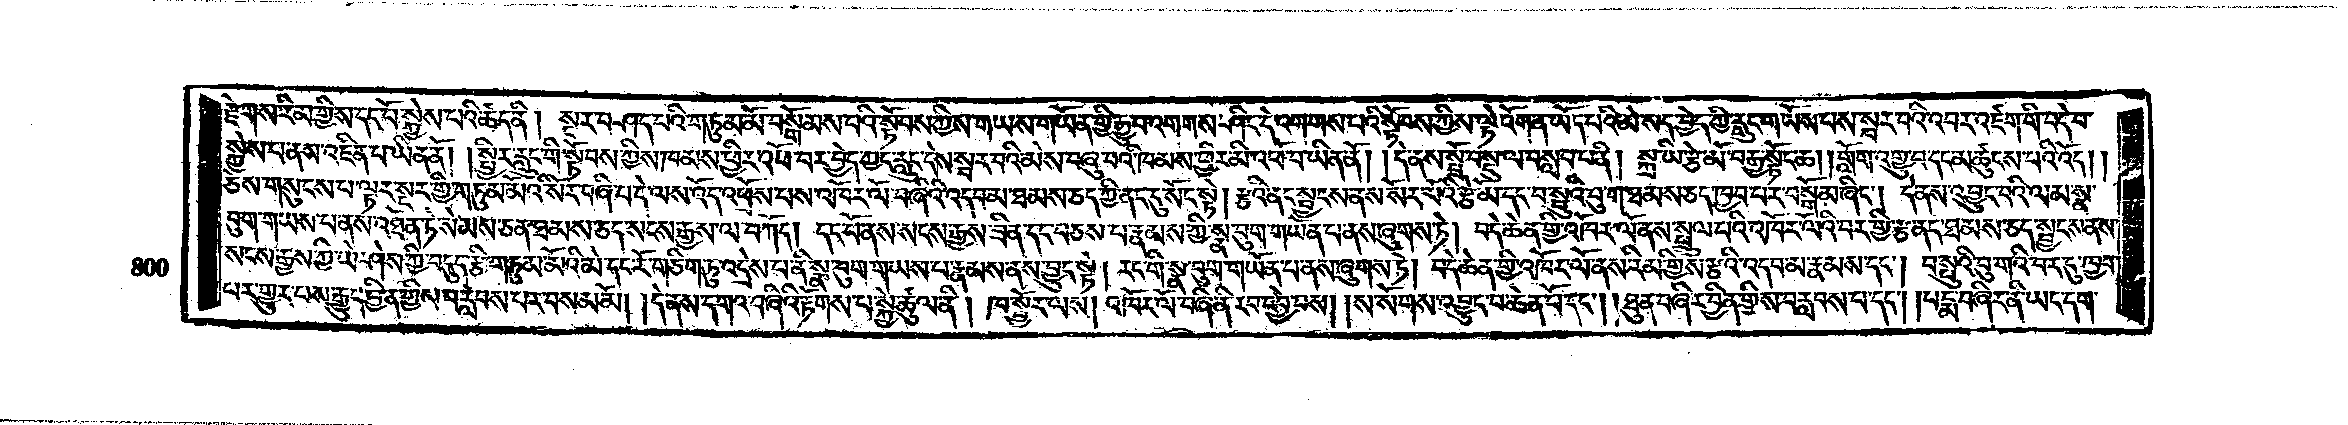རྫོགས་རིམ་གྱིས་དང་པོ་སྐྱེས་པའི་ཚད་ནི། སྔར་བཤད་པའི་གཏུམ་མོ་བསྒོམས་པའི་སྟོབས་ཀྱིས་གཡས་གཡོན་གྱི་རྒྱུ་བ་འགགས་ཤིང་དེ་འགགས་པའི་སྟོབས་ཀྱིས་ལྟེ་འོག་ན་ཡོད་པའི་མེ་སད་བྱེད་ཀྱི་རླུང་གཡོས་པས་སྦར་བའི་འབར་འཛག་གི་བདེ་བ་
སྐྱེས་པ་ནས་འཛིན་པ་ཡིན་ནོ། །སྤྱིར་རླུང་གི་སྟོབས་ཀྱིས་ཁམས་ཕྱིར་འཕོ་བར་བྱེད་ཀྱང་རླུང་དེས་སྦར་བའི་མེས་བཞུ་བའི་ཁམས་ཕྱིར་མི་འཕོ་བ་ཡིན་ནོ། །དེ་ནས་སྤྲོ་བསྡུ་ལ་བསླབ་པ་ནི། སྐྲ་ཡི་རྩེ་མོ་བརྒྱ་སྟོང་ཆ། །གློག་འགྱུ་བ་དང་མཚུངས་པའི་འོད། །
ཅེས་གསུངས་པ་ལྟར་སྔར་གྱི་གཏུམ་མོའི་སེར་བཞི་པ་དེ་ལས་འོད་འཕྲོས་པས་འཁོར་ལོ་བཞིའི་འདབ་མ་ཐམས་ཅད་ཀྱི་ནང་དུ་སོང་སྟེ། རྩའི་ནང་སྦྱངས་ནས་སོར་མོའི་རྩེ་མོ་དང་བ་སྤུའི་བུ་ག་ཐམས་ཅད་ཁྱབ་པར་བསྒོམ་ཞིང་། དེ་ནས་འབྱུང་བའི་ལམ་སྣ་
བུག་གཡས་པ་ནས་འཐོན་ཏེ་སེམས་ཅན་ཐམས་ཅད་སངས་རྒྱས་ལ་བཀོད། དང་པོ་ནས་སངས་རྒྱས་ཟིན་དང་བཅས་པ་རྣམས་ཀྱི་སྣ་བུག་གཡོན་པ་ནས་ཞུགས་ཏེ། བདེ་ཆེན་གྱི་འཁོར་ལོ་ནས་སྤྲུལ་པའི་འཁོར་ལོའི་བར་གྱི་རྩ་ནད་ཐམས་ཅད་སྦྱངས་ནས་
སངས་རྒྱས་ཀྱི་ཡེ་ཤེས་ཀྱི་བདུད་རྩི་གཏུམ་མོའི་མེ་དང་རོ་གཅིག་ཏུ་འདྲེས་པ་ནི་སྣ་བུག་གཡས་པ་རྣམས་ནས་བྱུང་སྟེ། རང་གི་སྣ་བུག་གཡོན་པ་ནས་ཞུགས་ཏེ། བདེ་ཆེན་གྱི་འཁོར་ལོ་ནས་རིམ་གྱིས་རྩའི་འདབ་མ་རྣམས་དང་། བ་སྤུའི་བུ་གའི་བར་དུ་ཁྱབ་
པར་གྱུར་པས་རྒྱུད་བྱིན་གྱིས་བརླབས་པར་བསམ་མོ། །དེ་ནས་དགའ་བཞིའི་རྟོགས་པ་སྐྱེ་ཚུལ་ནི། ཁ་སྦྱོར་ལས། འཁོར་ལོ་བཞི་ནི་རབ་དབྱེ་བས། །ས་སོགས་འབྱུང་བ་ཆེན་པོ་དང་། །ཐུན་བཞིར་བྱིན་གྱིས་བརླབས་པ་དང་། །པདམ་བཞིར་ནི་ཡང་དག་